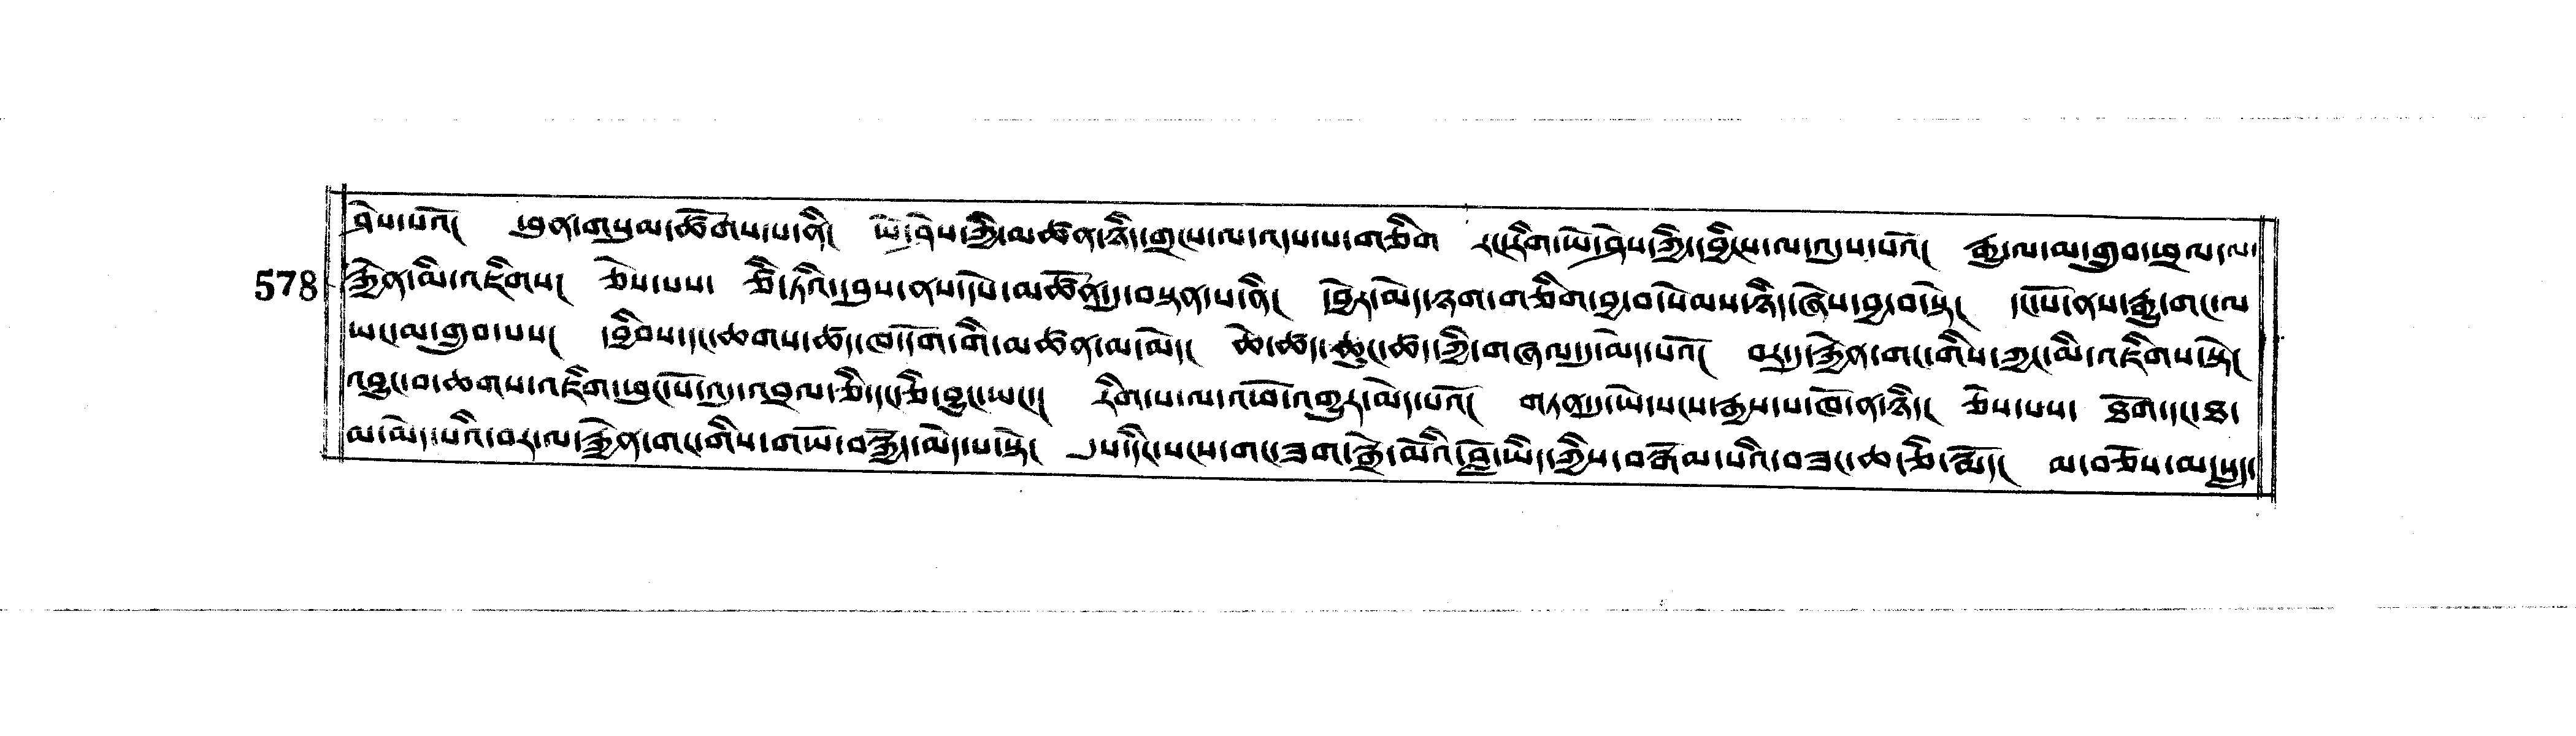ཤེས་པའོ། ཕུན་སུམ་ཚོགས་པ་ནི་ཡེ་ཤེས་ཀྱི་མཚན་ཉིད་གྲངས་ལས་འདས་པ་ཅིག རང་རིག་ཡེ་ཤེས་ཀྱི་དབྱིངས་ལ་འདུས་པའོ། རྒྱུ་ལས་མ་གྲུབ་འཕྲལ་ལ་
རྐྱེན་མི་འཇིག ཅེས་པས། ཙིརྟའི་དབུས་ནས་དཔེ་མཚོན་དུ་བསྟན་པ་ནི། དབྱེར་མེད་ཉག་ཅིག་བྱ་བ་སེམས་ཉིད་ཅེས་བྱ་བ་སྟེ། དང་པོ་ནས་རྒྱུ་གང་ལ་
ཡང་མ་གྲུབ་པས། དབྱིབས་དང་ཆག་ཚད་ཁ་དོག་མཚན་མ་མེད། ཆེ་ཚད་ཆུང་ཚད་ཀྱིས་གཞལ་དུ་མེད་པའོ། བར་དུ་རྐྱེན་གང་གིས་ཀྱང་མི་འཇིགས་ཏེ། 
འབྱུང་བ་ཆག་འཇིག་ཕུང་པོ་འདུ་འབྲལ་ཅི་དང་ཅི་བྱུང་ཡང་རིག་པ་ལ་འཕོ་འགྱུར་མེད་པའོ། གཏན་དུ་ཡེ་སངས་རྒྱས་པ་ཁོ་ན་ཉིད། ཅེས་པས། ཐོག་མ་དང་ཐ་
མ་མེད་པའི་བར་ལ་རྐྱེན་གང་གིས་གཡོ་སྐྱོད་མེད་པ་སྟེ། དུས་དེང་སང་གང་ཟག་སྒྲེ་མོའི་བློ་ཡིད་ཀྱིས་བསྒོམ་པའི་བཟང་ཆ་ཅི་སྨོད། མ་བཅོས་མ་བསླད་